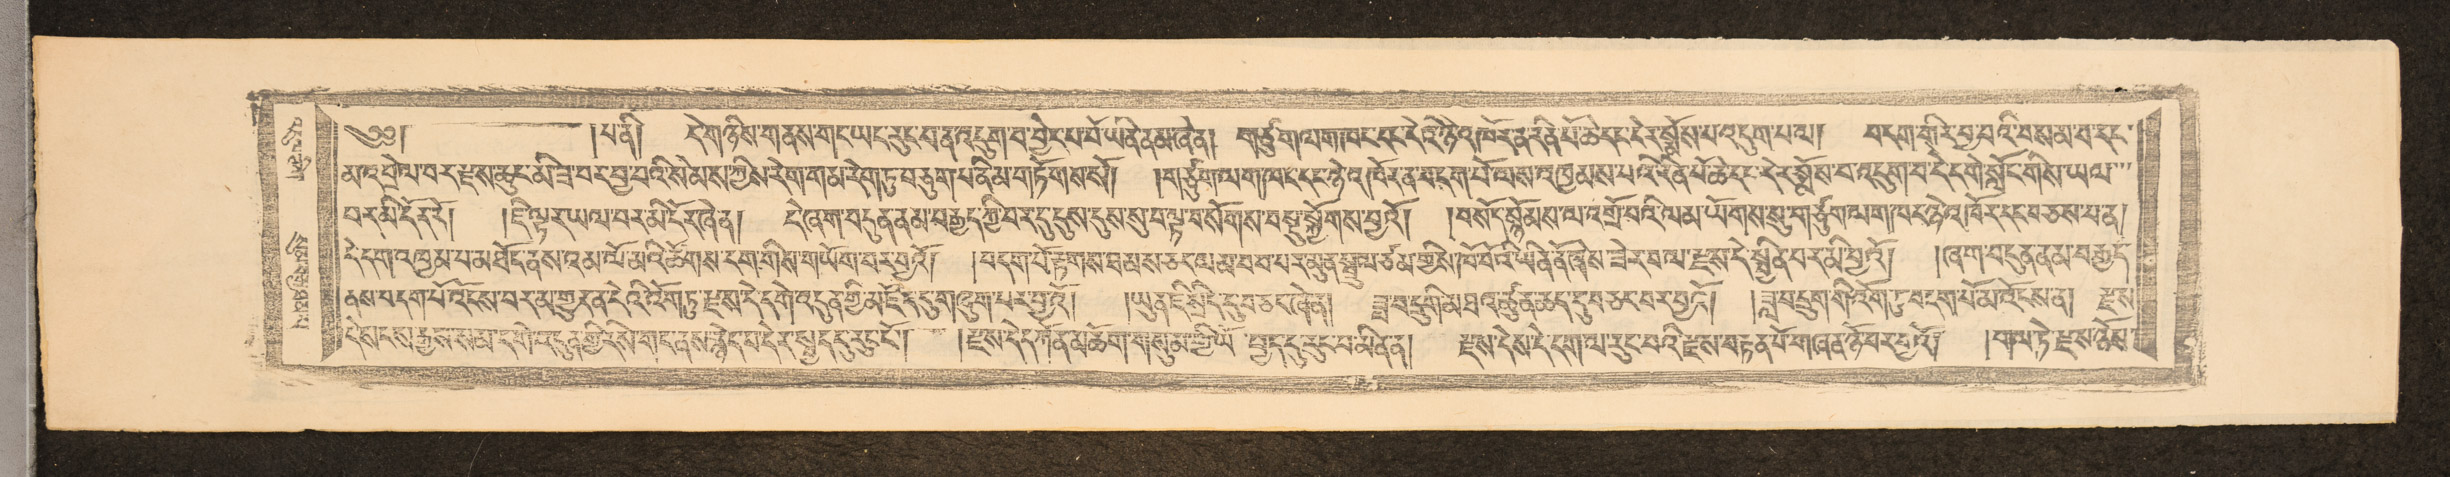༄༅། །བ་ནི། དེ་གཉིས་གནས་གང་ཡང་རུང་བ་ན་འདུག་པ་བྱེད་བ་བོ་ཡིན་ནམ་ཞེ་ན། གཙུག་ལག་ཁང་དང་དེའི་ཉེ་འཁོར་ན་རིན་པོ་ཆེ་དང་དེར་སྨོས་བ་འདུག་བ་ལ། བདག་གིར་བྱ་བའི་བསམ་བ་དང་
མ་འབྲེལ་བར་རྫས་ཆུད་མི་ཟ་བར་བྱ་བའི་སེམས་ཀྱིས་རེག་གམ་རེག་ཏུ་བཅུག་པ་ནི་མ་གཏོགས་སོ། །གཙུག་ལག་ཁང་དང་ཉེ་འཁོར་ན་བདག་པོ་ལས་འཁྱམས་པའི་རིན་པོ་ཆེ་དང་དེར་སྨོས་པ་འདུག་པ་དེ་དགེ་སློང་གིས་ཡལ་
བར་མི་དོར་རོ། །ཇི་ལྟར་ཡལ་བར་མི་དོར་ཞེ་ན། དེ་ཞག་བདུན་ནམ་བརྒྱད་ཀྱི་བར་དུ་དུས་དུས་སུ་བལྟ་བ་སོགས་བསྡུ་སྐྱོགས་བྱའོ། །བསོད་སྙོམས་ལ་འགྲོ་བའི་ལམ་ཡོགས་སུ་གཙུག་ལག་ཁང་ཉེ་འཁོར་དང་བཅས་བ་ན།
དེ་དག་འཁྱམ་པ་མཐོང་ན་སའམ་ལོ་མའི་ཚོགས་དག་གིས་གཡོག་པར་བྱའོ། །བདག་པོ་རྟགས་ཐམས་ཅད་ལམ་བབ་པར་མུན་སྦྲུལ་ཙམ་གྱིས་ཁོ་བོའི་ཡིན་ནོ་ཞེས་ཟེར་བ་ལ་རྫས་དེ་སྦྱིན་པར་མི་བྱའོ། །ཞག་བདུན་ནམ་བརྒྱད་
ནས་བདག་པོ་འོངས་བར་མ་གྱུར་ན་དེའི་འོག་ཏུ་རྫས་དེ་དགེ་འདུན་གྱི་མཛོད་དུ་གཞུག་པར་བྱའོ། །ཡུན་ཇི་སྲིད་དུ་བཅང་ཞེ་ན། ཟླ་བ་དྲུག་གི་མཐའ་ཚུན་ཆད་དུ་བཅད་བར་བྱའོ། །ཟླ་བ་དྲུག་གི་འོག་ཏུ་བདག་པོ་མ་འོངས་ན། རྫས་
དེ་སངས་རྒྱས་སམ་དགེ་འདུན་གྱི་རིས་གང་ནས་རྙེད་བ་དེར་སྤྱད་དུ་རུང་ངོ། །རྫས་དེ་དཀོན་མཆོག་གསུམ་གྱི་ཡོ་བྱད་དུ་རུང་བ་མིན་ན། རྫས་དེས་དེ་དག་ལ་རུང་བའི་རྫས་བརྟན་པོ་གཞན་ཉོ་བར་བྱའོ། །གལ་ཏེ་རྫས་ཉོས་